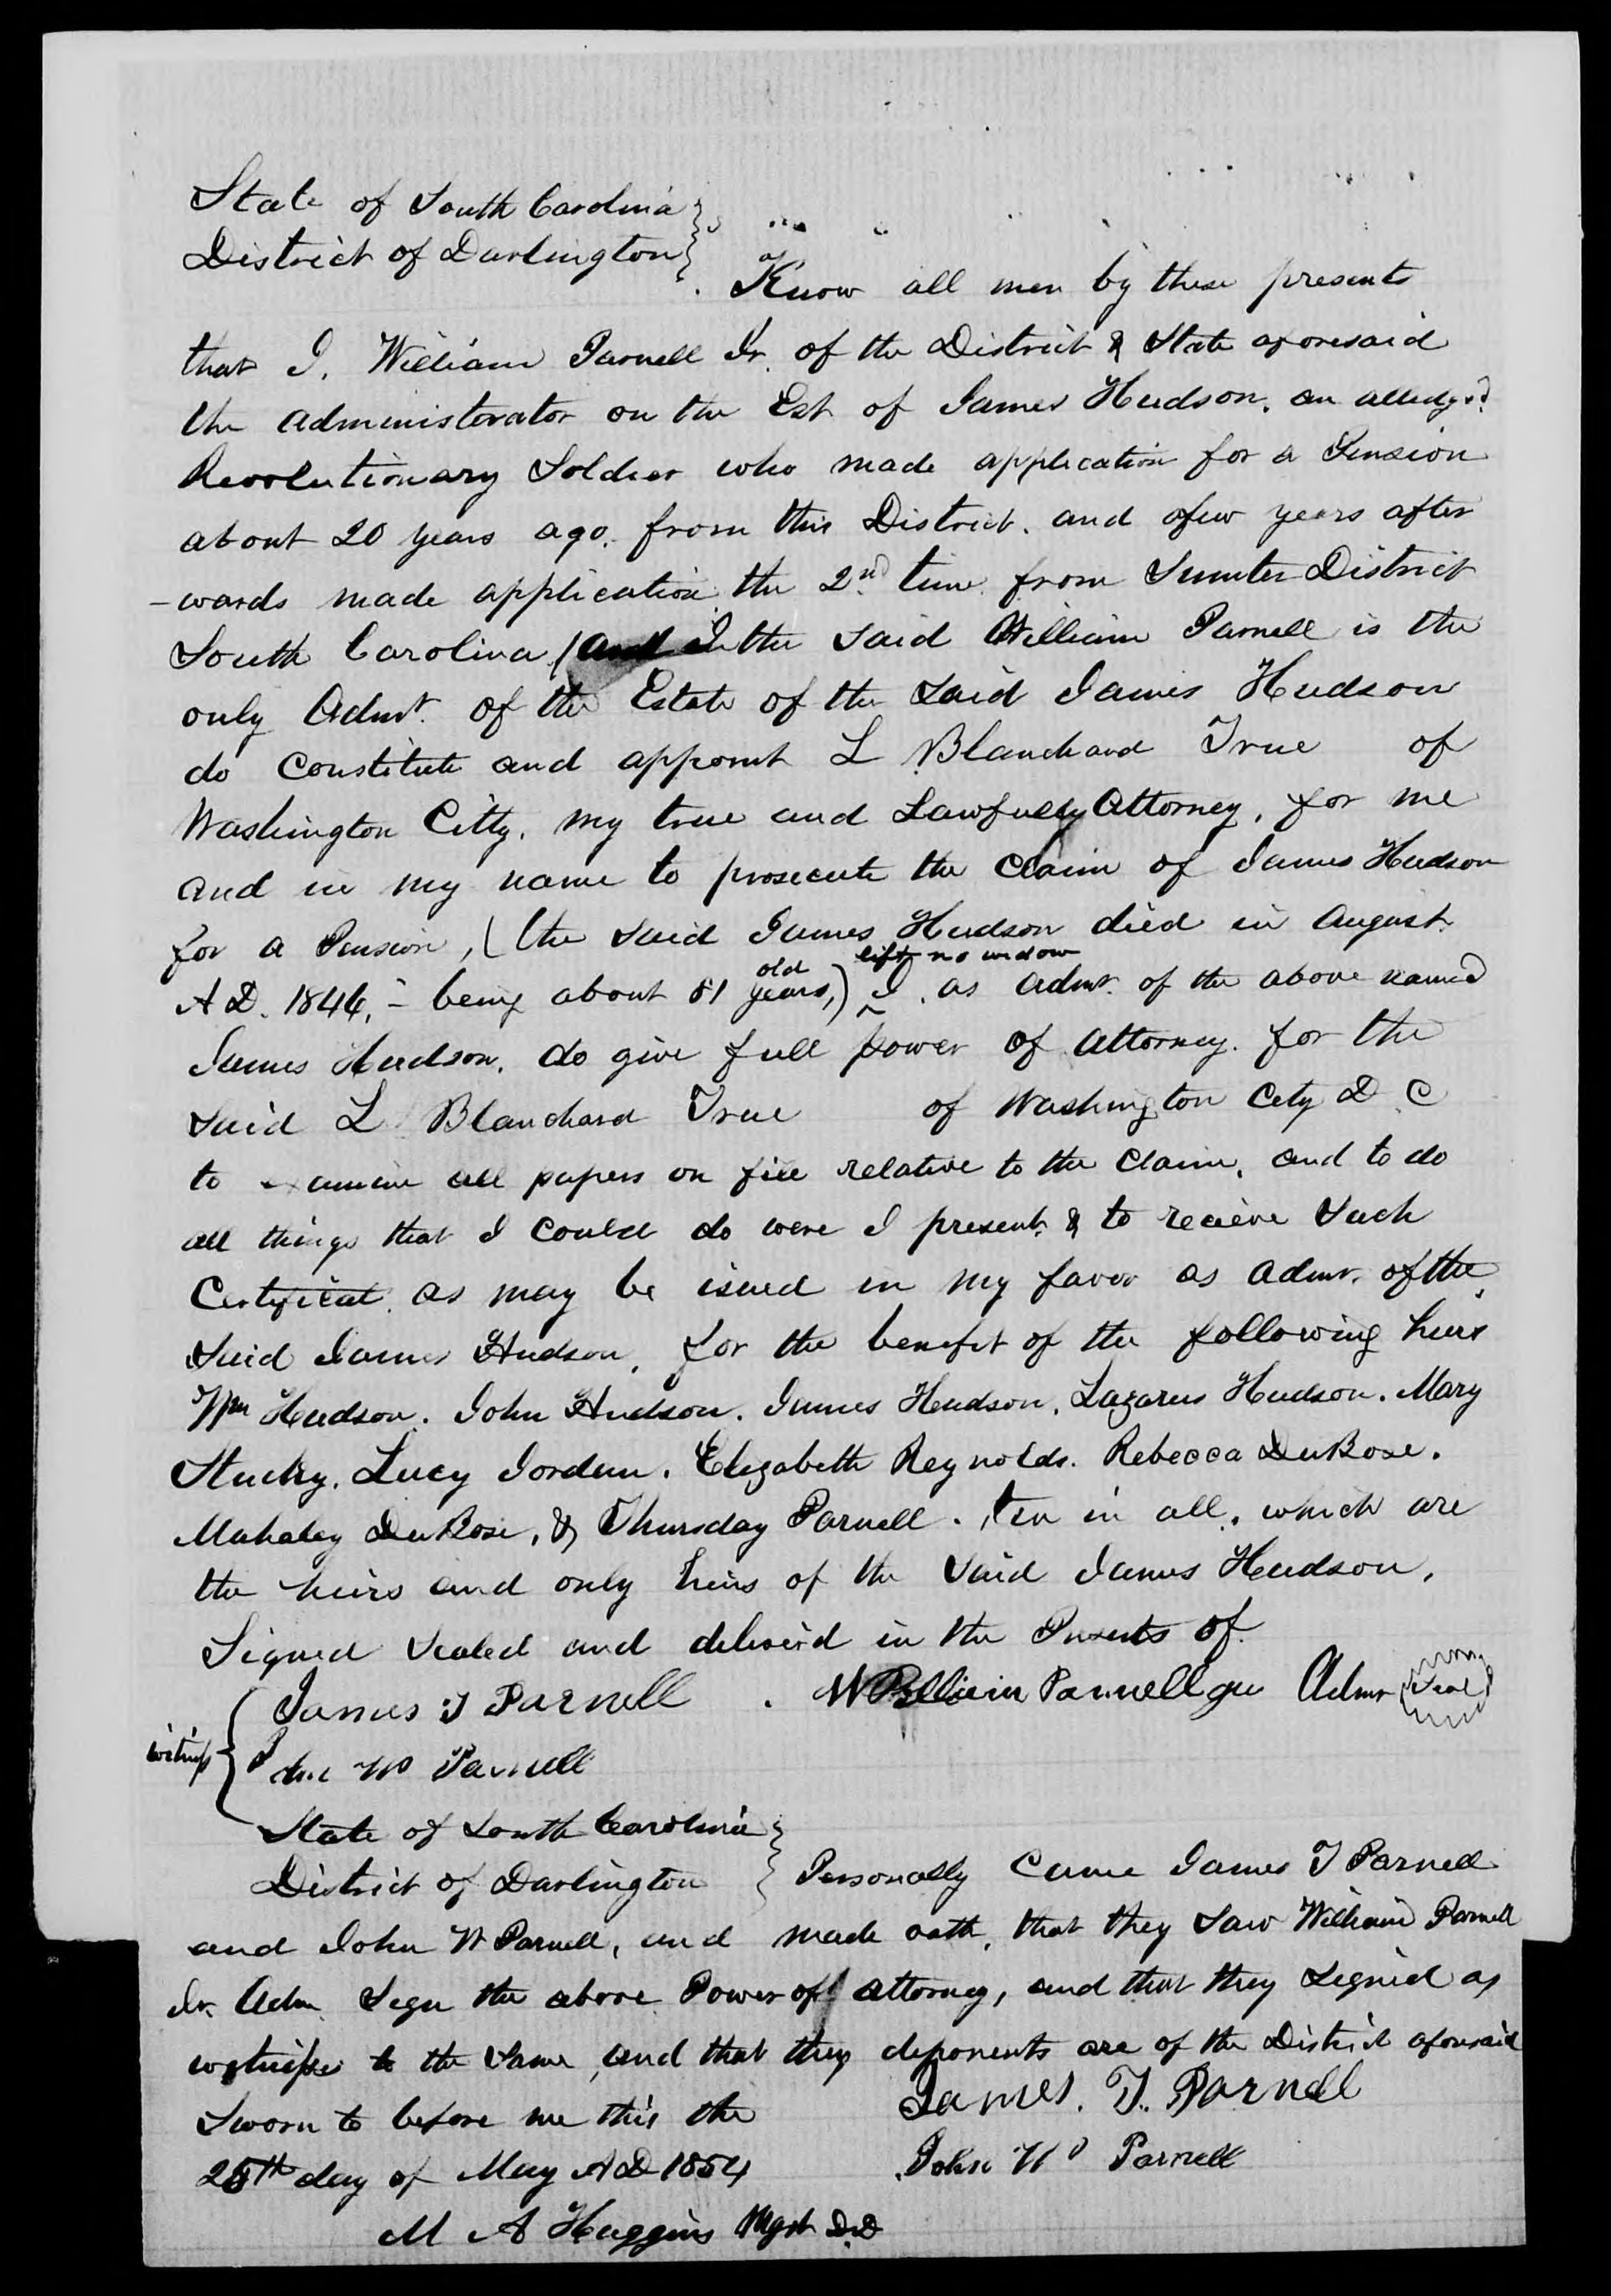State of South Carolina
District of Darlington

Know all men by these present that I, William Parnell Jr of the District and state aforesaid the administrator of the Est of James Hudson an alleged Revolutionary Soldier who made application for a Pension about 20 years ago from this district and a few years afterwards made application the 2nd time from Sumter District South Carolina/ And I the said William Parnell is the only adult of the Estate of the said James Hudson do constitute and approach L Blandand True of Washington City. My true and lawfully attorney, for me and in my name to prosecute the claim of James Hudson for a pension, (the said James Hudson died in August AD 1846, = being about 81 years old)  ^left no widow. I, as order of the above named James Hudson, do give full power of attorney for the said L Blanchard True of Washington City DC to (unable to translate) all papers on file relative to the claim. And to do all things that I could do once I present and to receive back certified as may be said in my favor as advisor of the said James Hudson. For the benefit of the following heirs Nin Hudson, John Hudson, James Hudson, Lazarus Hudson, Mary Hucky, Lucky Jordan, Elizabeth Reynolds, Rebecca DuBose, Mahaley DuBose, Thursday Parnell. Ten in all, which are the heirs and only heirs of the same James Hudson, 
Signed Sealed and Delivered in the Presents of 
James J Parnell
Unknowm
State of South Carolina
District of Darlington

Personally came befoer James J Parnell and John M Parnell, and made oath that they saw William Parnell in and after the above power of attorney and after they signed as unknown to the law and they thay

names: M A Huggins, Rebecca Dubose, Mary Stucky, John W Parnell, Mahaley Du Bose, Thursday Parnell, Lazarus Hudson, Elizabeth Reynolds, Wm Hudson, William Parnell, James T Parnell, Lucy Jordan, L Blanchard True, James Hudson, John Hudson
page: 6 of 33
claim: rejected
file: R. 5334, James Hudson, N.C.